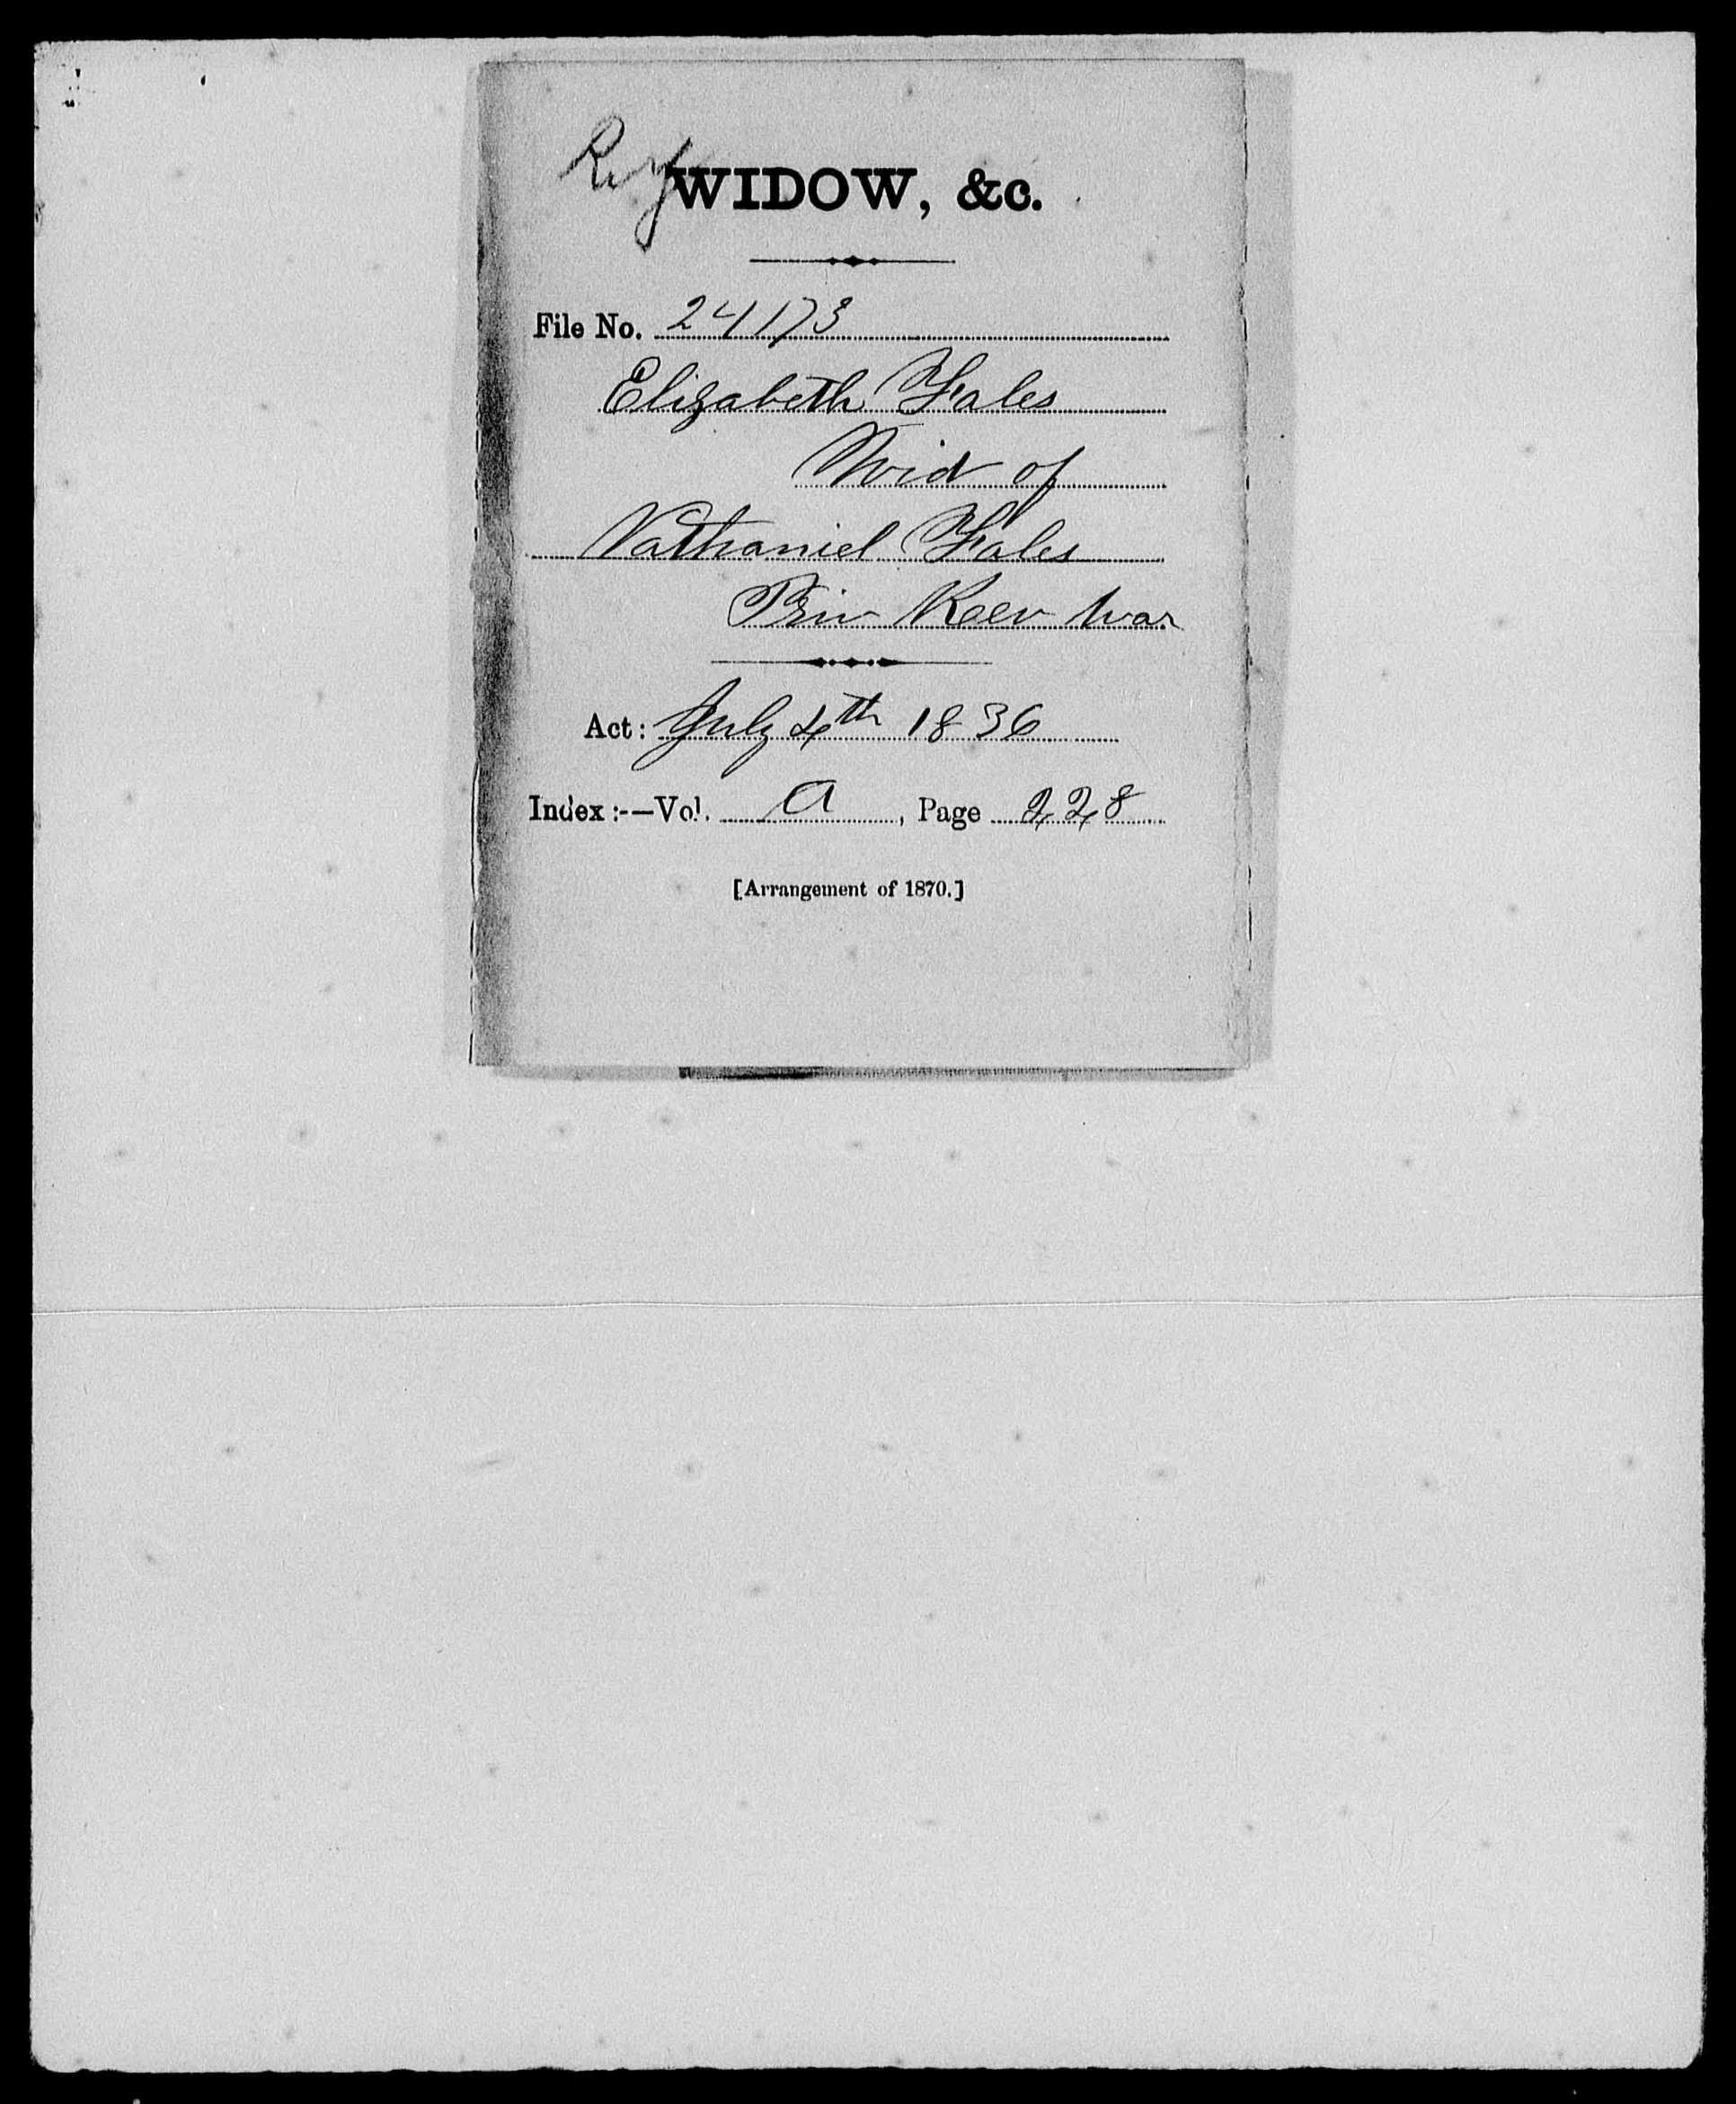Rev. Widow, &c

File No. 24173
Elizabeth Fales
Wid of 
Nathaniel Fales
Priv Rev War

Act: July 4th 1836
Index: Vol. A, Page 448

[Arrangement of 1870]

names: Elizabeth Fales, Nathaniel Fales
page: 24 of 32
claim: widow's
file: W. 24,173, Nathaniel Fales, R.I.